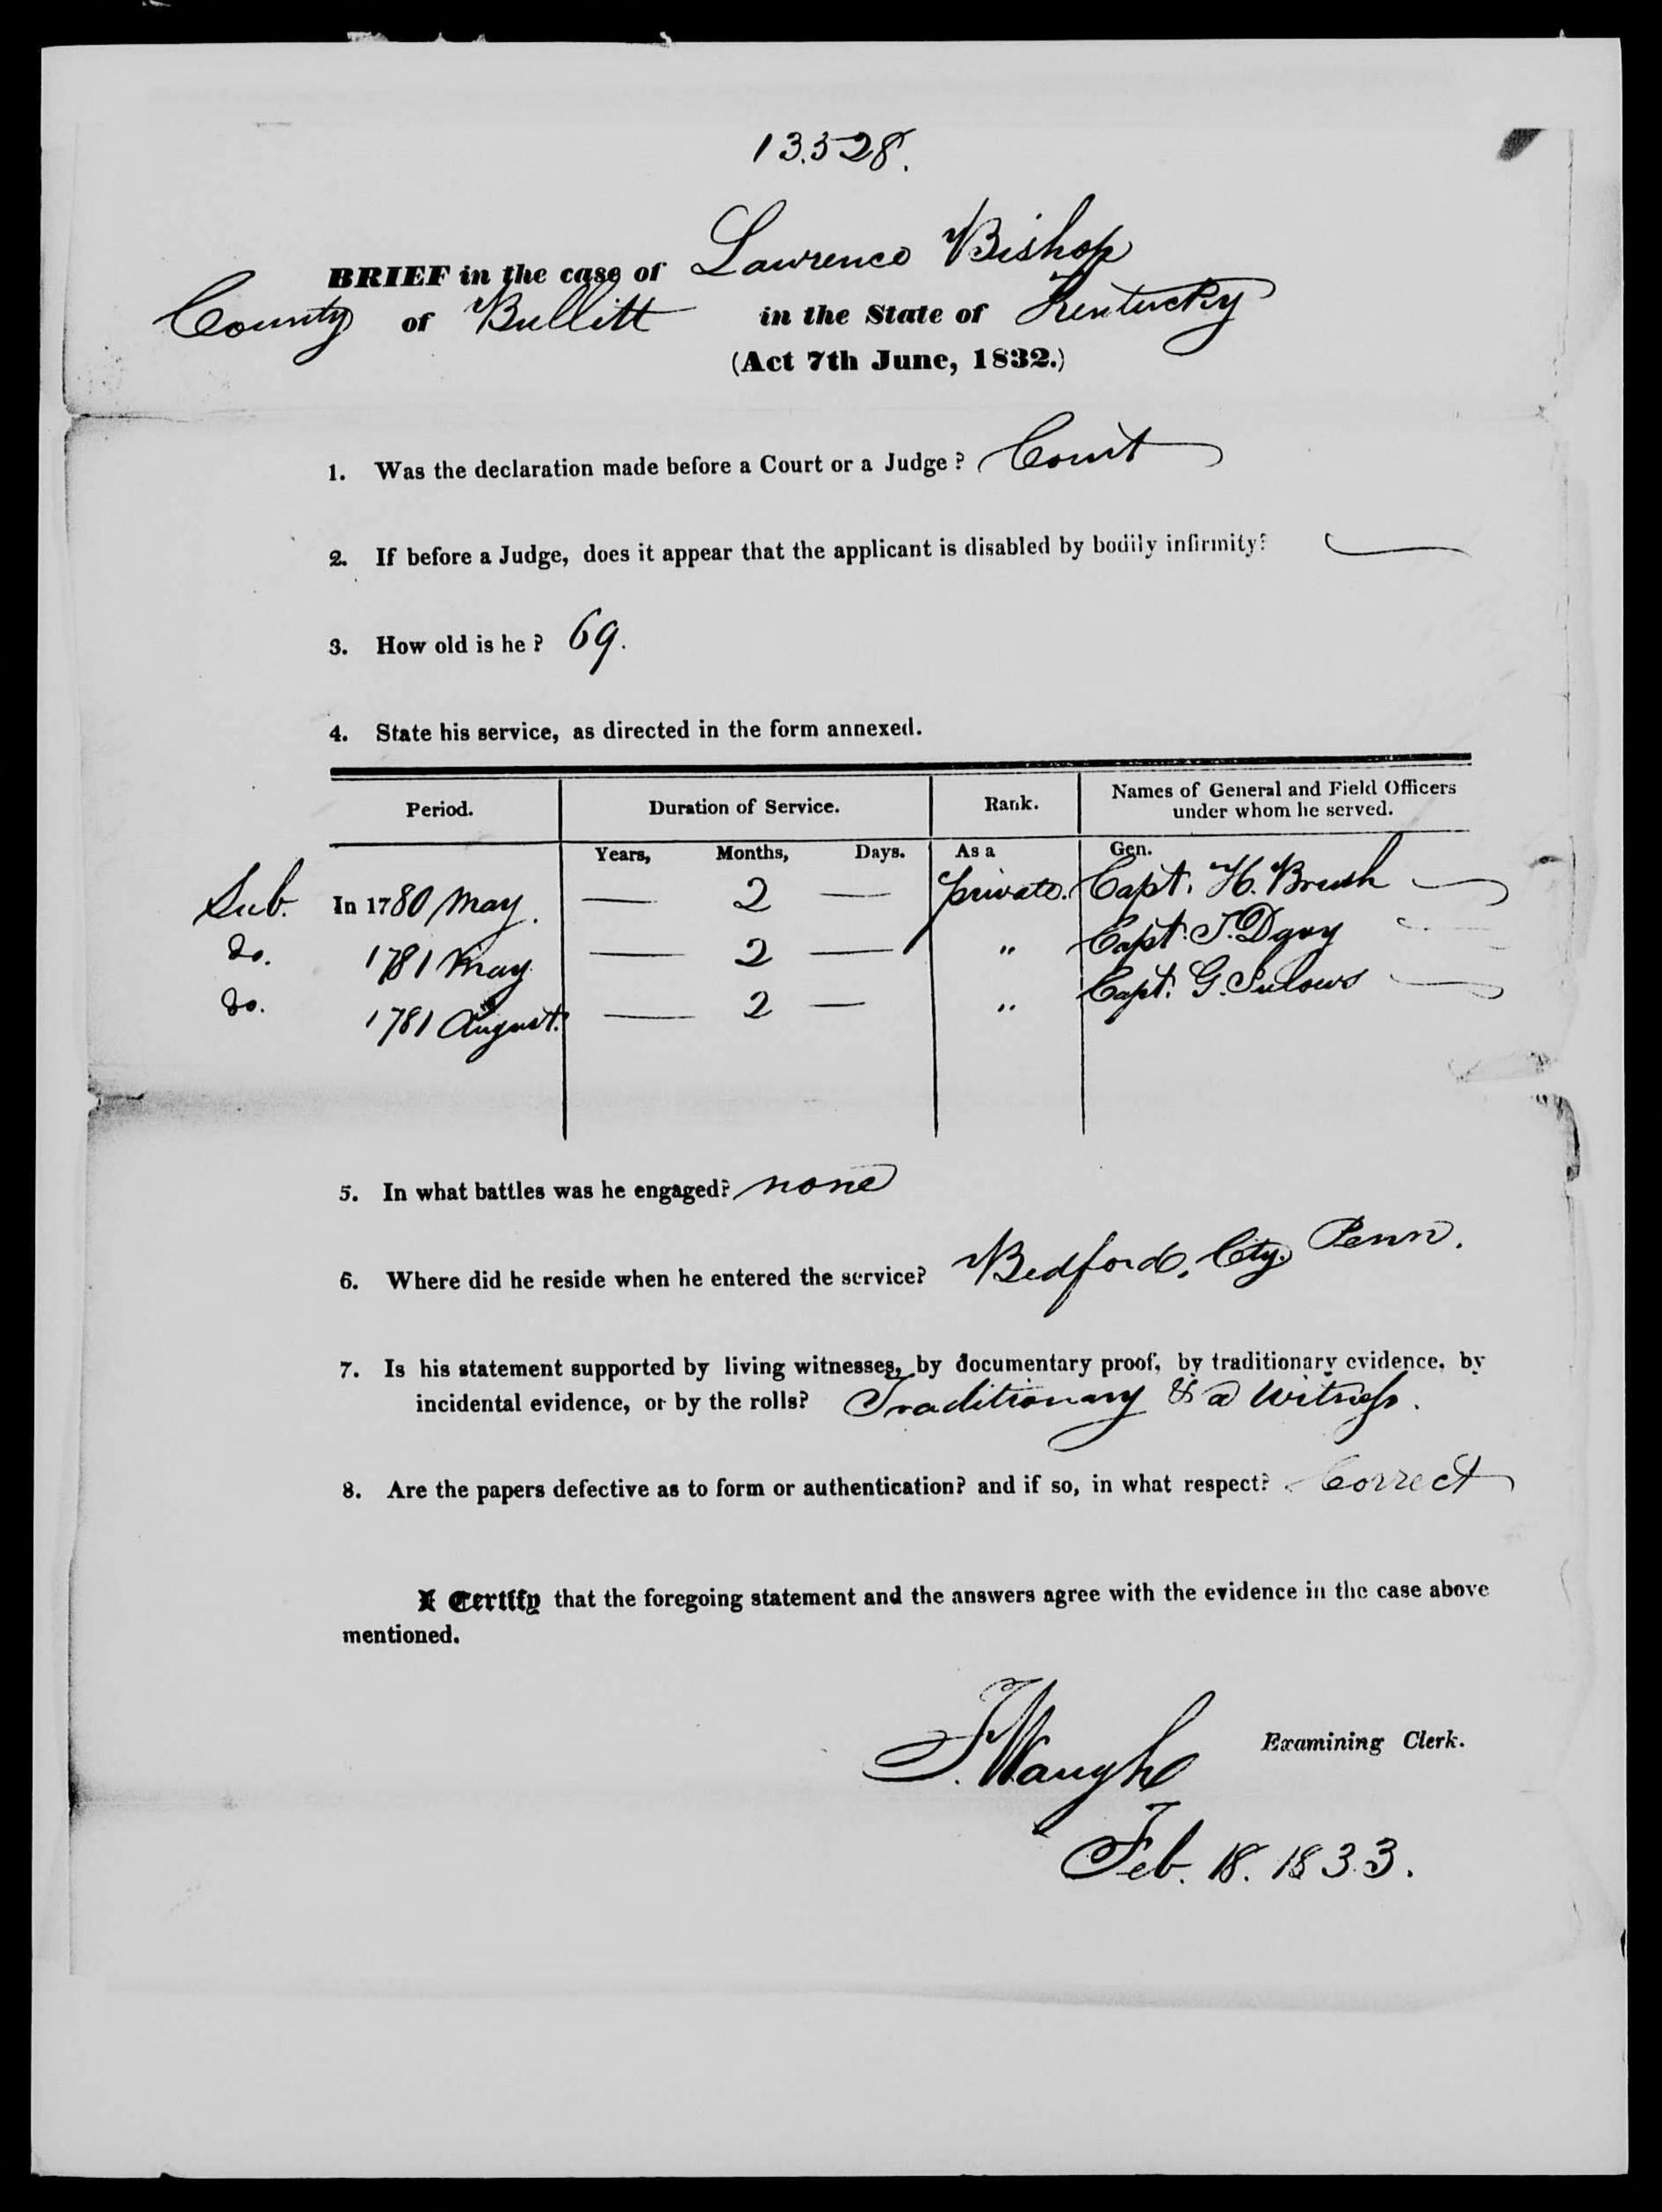13.528 
BRIEF in the case of Lawrence Bishop County of Bullitt in the State of Kentucky 
(Act 7th June, 1832.) 
1. Was the declaration made before a Court or a Judge? Court 
2. If before a Judge, does it appear that the applicant is disabled by bodily infirmity? 
3. How old is he? 69 
4. State his service, as directed in the form annexed. 
Period.    Sub. in 1780 May    Duration of Service.  2 months    Rank.   Private   Names of Generals and Field Officers under whom he served.  Capt H. Brush
Period.  Sub. 1781 May  Duration of Service.  2 months  Rank.  Private  Names of Generals and Field Officers under whom he served.  Capt T. Davy
Period.  Sub. 1781 August   Duration of Service.  2 months   Rank.  Private  Names of Generals and Field Officers under whom he served.   Capt. G. Inlows
5. In what battles was he engaged? none  
6. Where did he reside when he entered the service? Bedford Cty Penn. 
7. Is his statement supported by living witnesses, by documentary proof, by traditionary evidence, by incidental evidence, or by the rolls? Traditionary & a Witness 
8. Are the papers defective as to form or authentication? and if so, in what respect? Correct    
I certify that the foregoing statement and the answers agree with the evidence in the case above F. Waugh   Examining Clerk.   
Feb. 18. 1833.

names: F Waugh, Lawrence Bishop, T Davy, G Inlows, H Brush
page: 10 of 26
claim: survivor's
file: S.1,166, Lawrence Bishop, Penn.